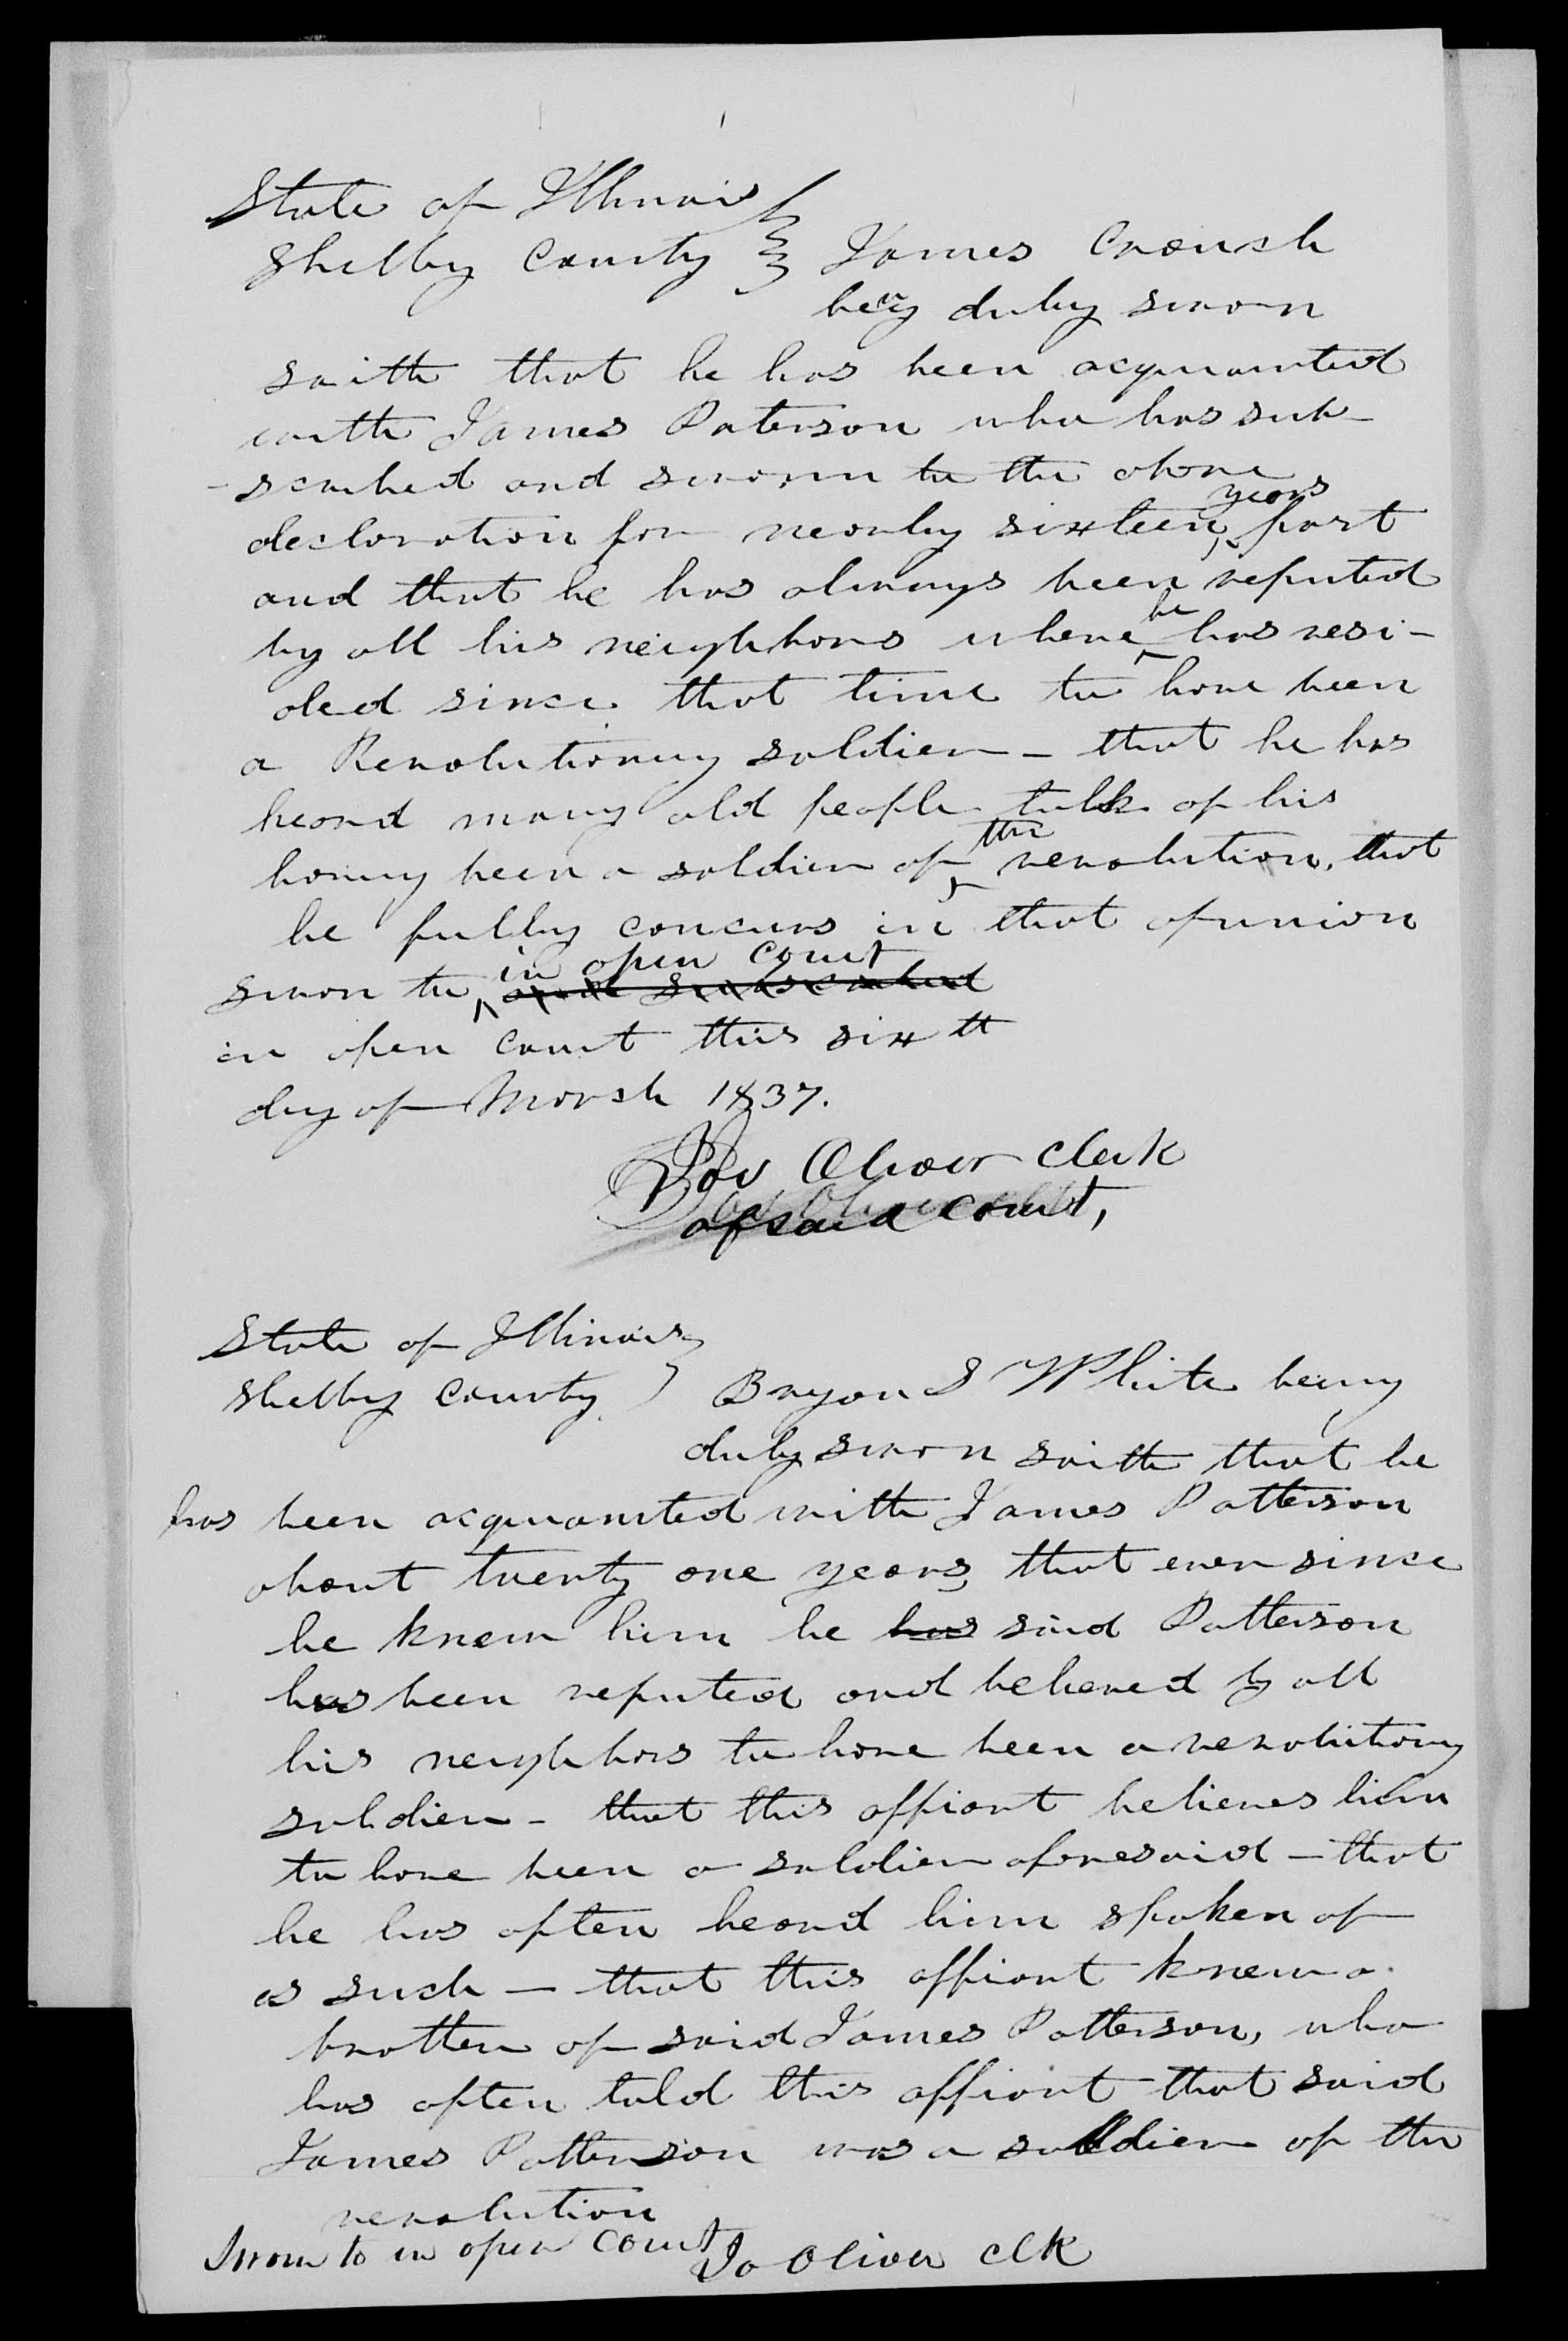State of Illinois }
Shelby County  } James Crouch being duly sworn 
saith that he has been acquainted with James Paterson who has subscribed and sworn to the above declaration for nearly sixteen years part and that he has always been reputed by all his neighbors where he has resided since that time to have been a Revolutionary soldier. that he has heard many old people talk of his having been a soldier of the revolution, that he fully concurs in that opinion 
Sworn to in open Court
In open Court this sixth day of March 1837 
Jos Oliver Clerk 
Of said court,

State of Illinois }
Shelby County } Bryan S White being duly sworn saith that he has been acquainted with James Patterson about twenty one years, that ever since he knew him he has said Patterson has been reputed and believed by all his neighbors to have been a revolutionary soldier. that this affiant believes him to have been a soldier aforesaid- that he has often heard him spoken of as such-- that this affiant knew a brother of said James Patterson, who has often told this affiant that said James Patterson was a soldier of the revolution 
Sworn to in open Court 
Jo Oliver Clk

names: James Paterson; James Crouch; Jos Oliver; Bryan S White; James Patterson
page: 49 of 69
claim: widow's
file: W. 10861, for James Patterson, North Carolina